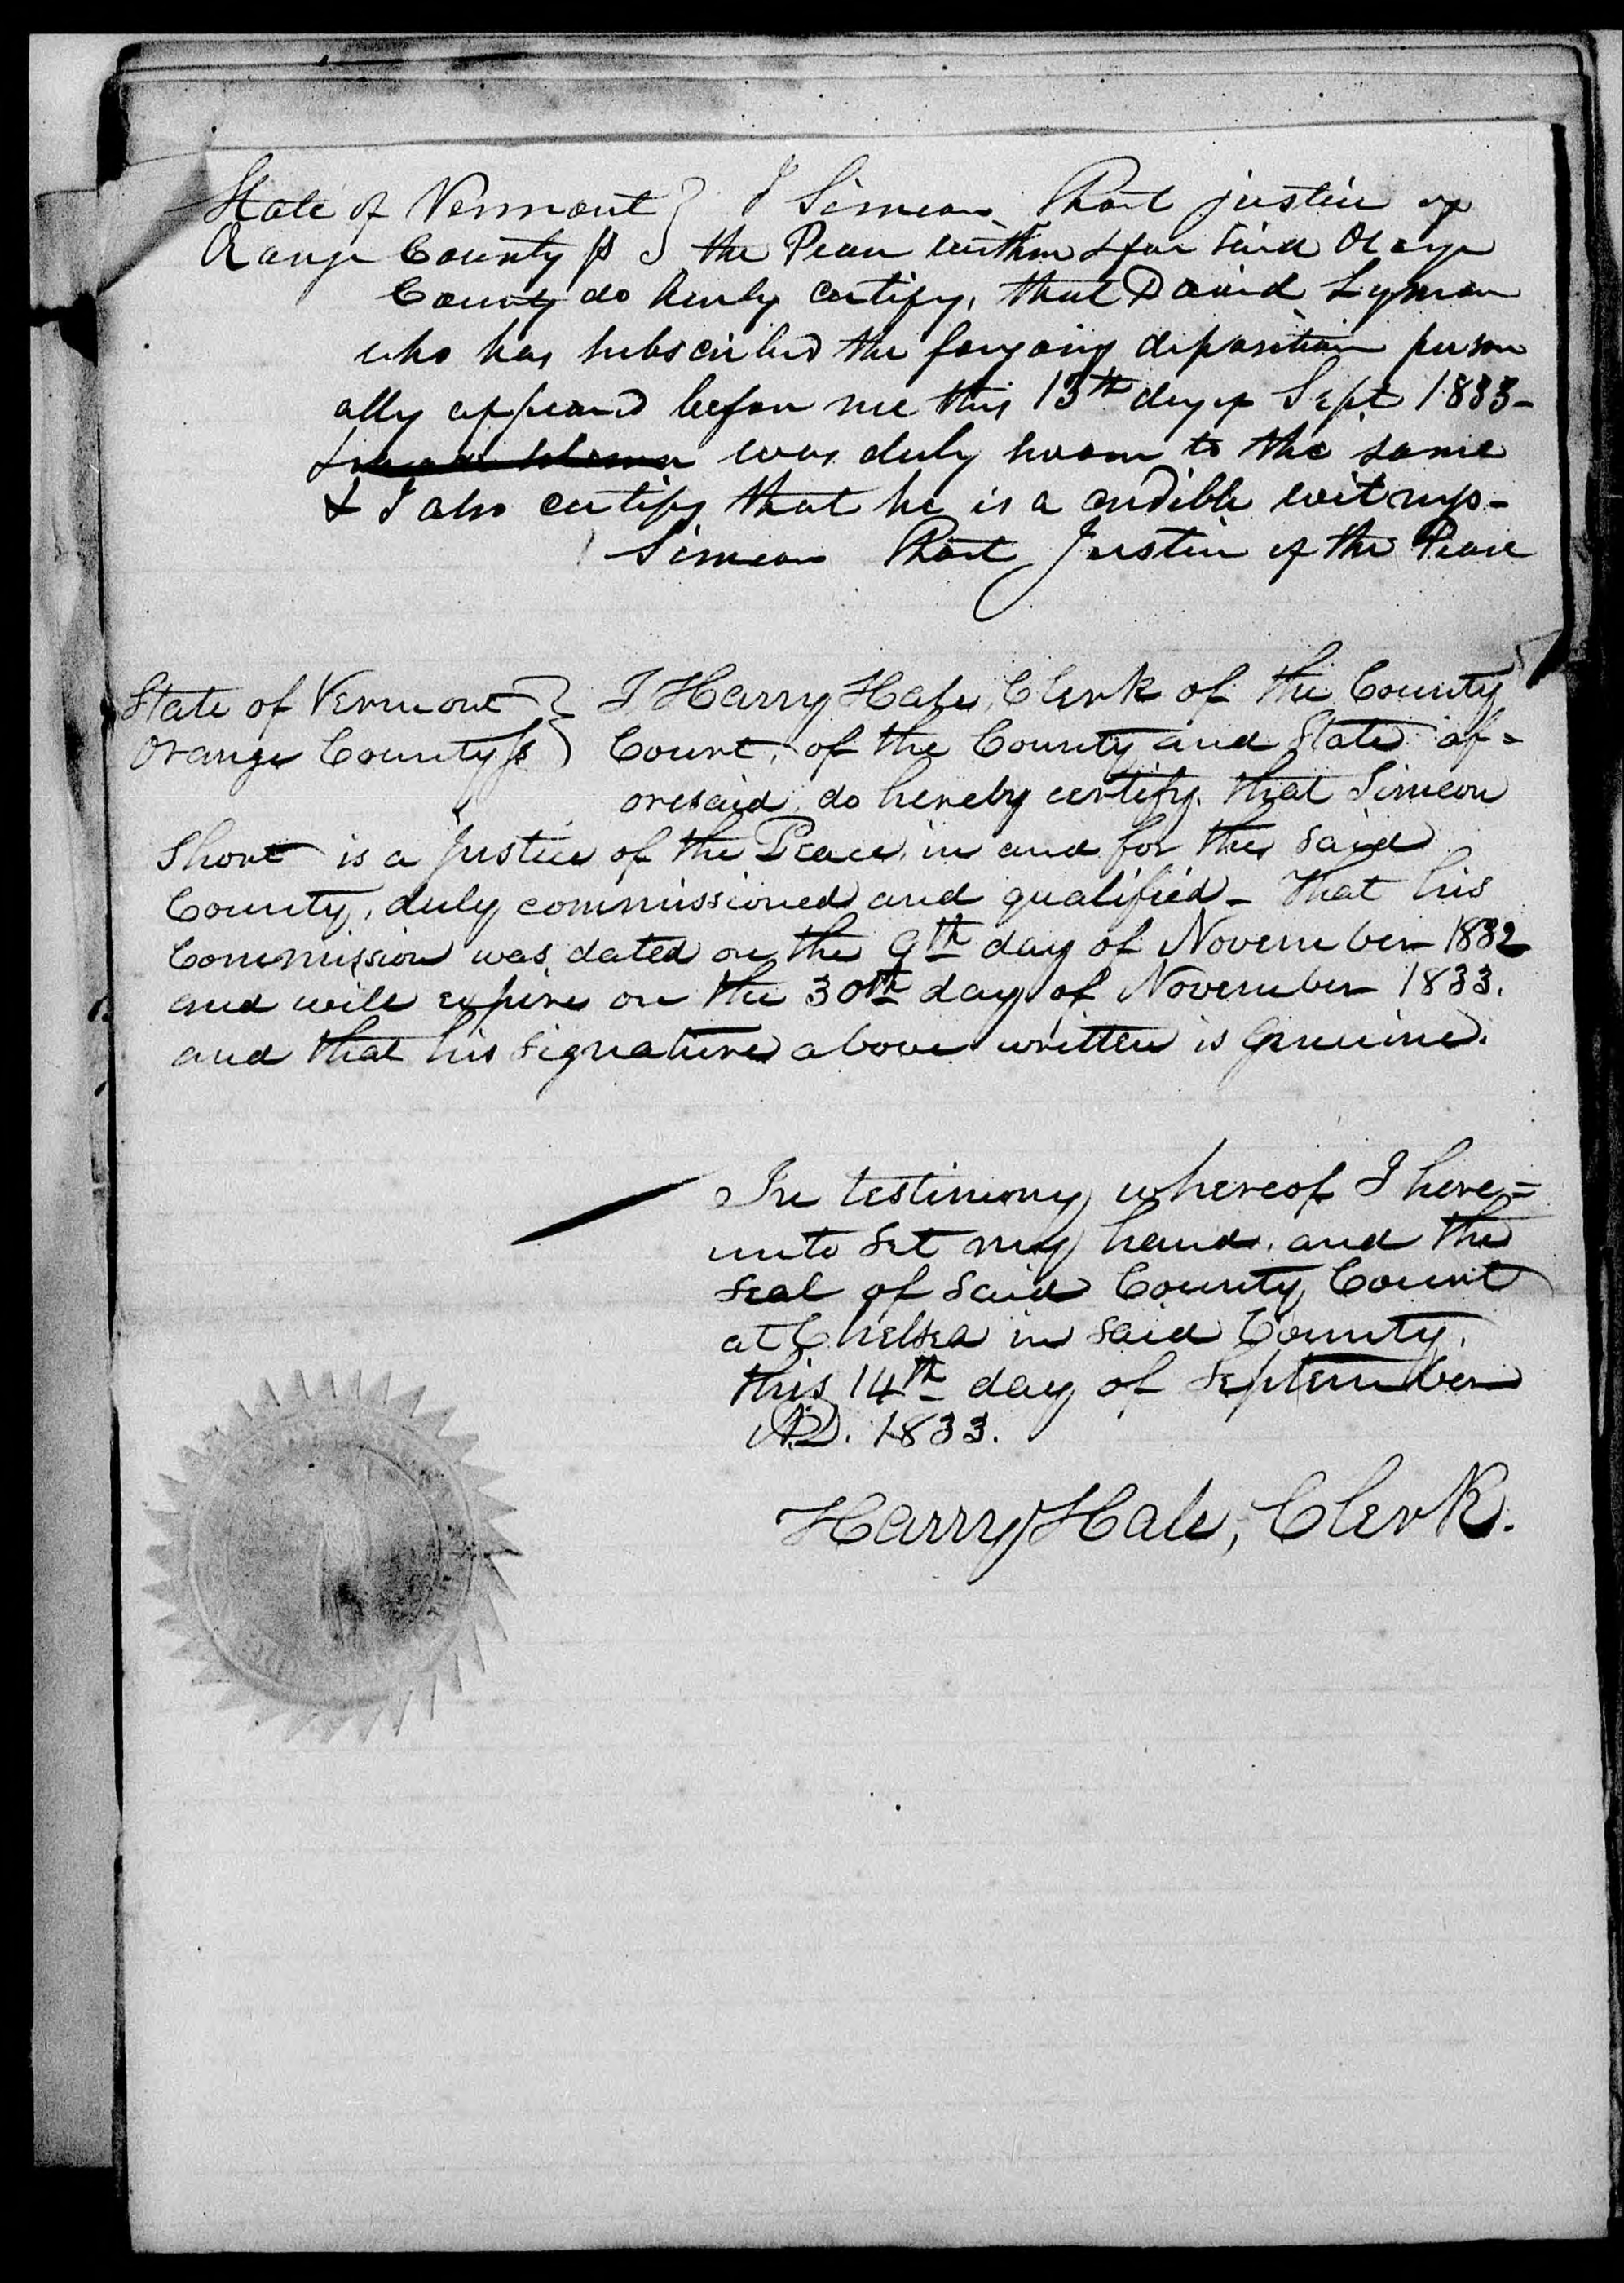State of Vermont
Orange County SS
I Simeon Short justice of the Peace within the said Orange County do hereby certify that David Lyman who has subscribed the foregoing deposition personally appeared before me this 13th day of Sept 1833 - [crossed out] was duly sworn to the same & I also certify that he is a credible witness -
Simeon Short Justice of the Peace

State of Vermont
Orange County SS
I Harry Hale Clerk of the County Court of the County and State aforesaid do hereby certify that Simeon Short isa Justice of the Peace in and for the said County, duly commissioned and qualified - That his commission was dated on the 9th day of November 1832 and will expire on the 30th day of November 1833. and that his signature above written is genuine.
In testimony whereof I hereunto set my hand and the seal of said County Court at Chelsea in said County, this 14th day of September A.D. 1833
Harry Hale, Clerk.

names: David Lyman; Harry Hale; Simeon Short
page: 14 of 21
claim: rejected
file: R. 6444, for Gamaliel Loomis, Connecticut